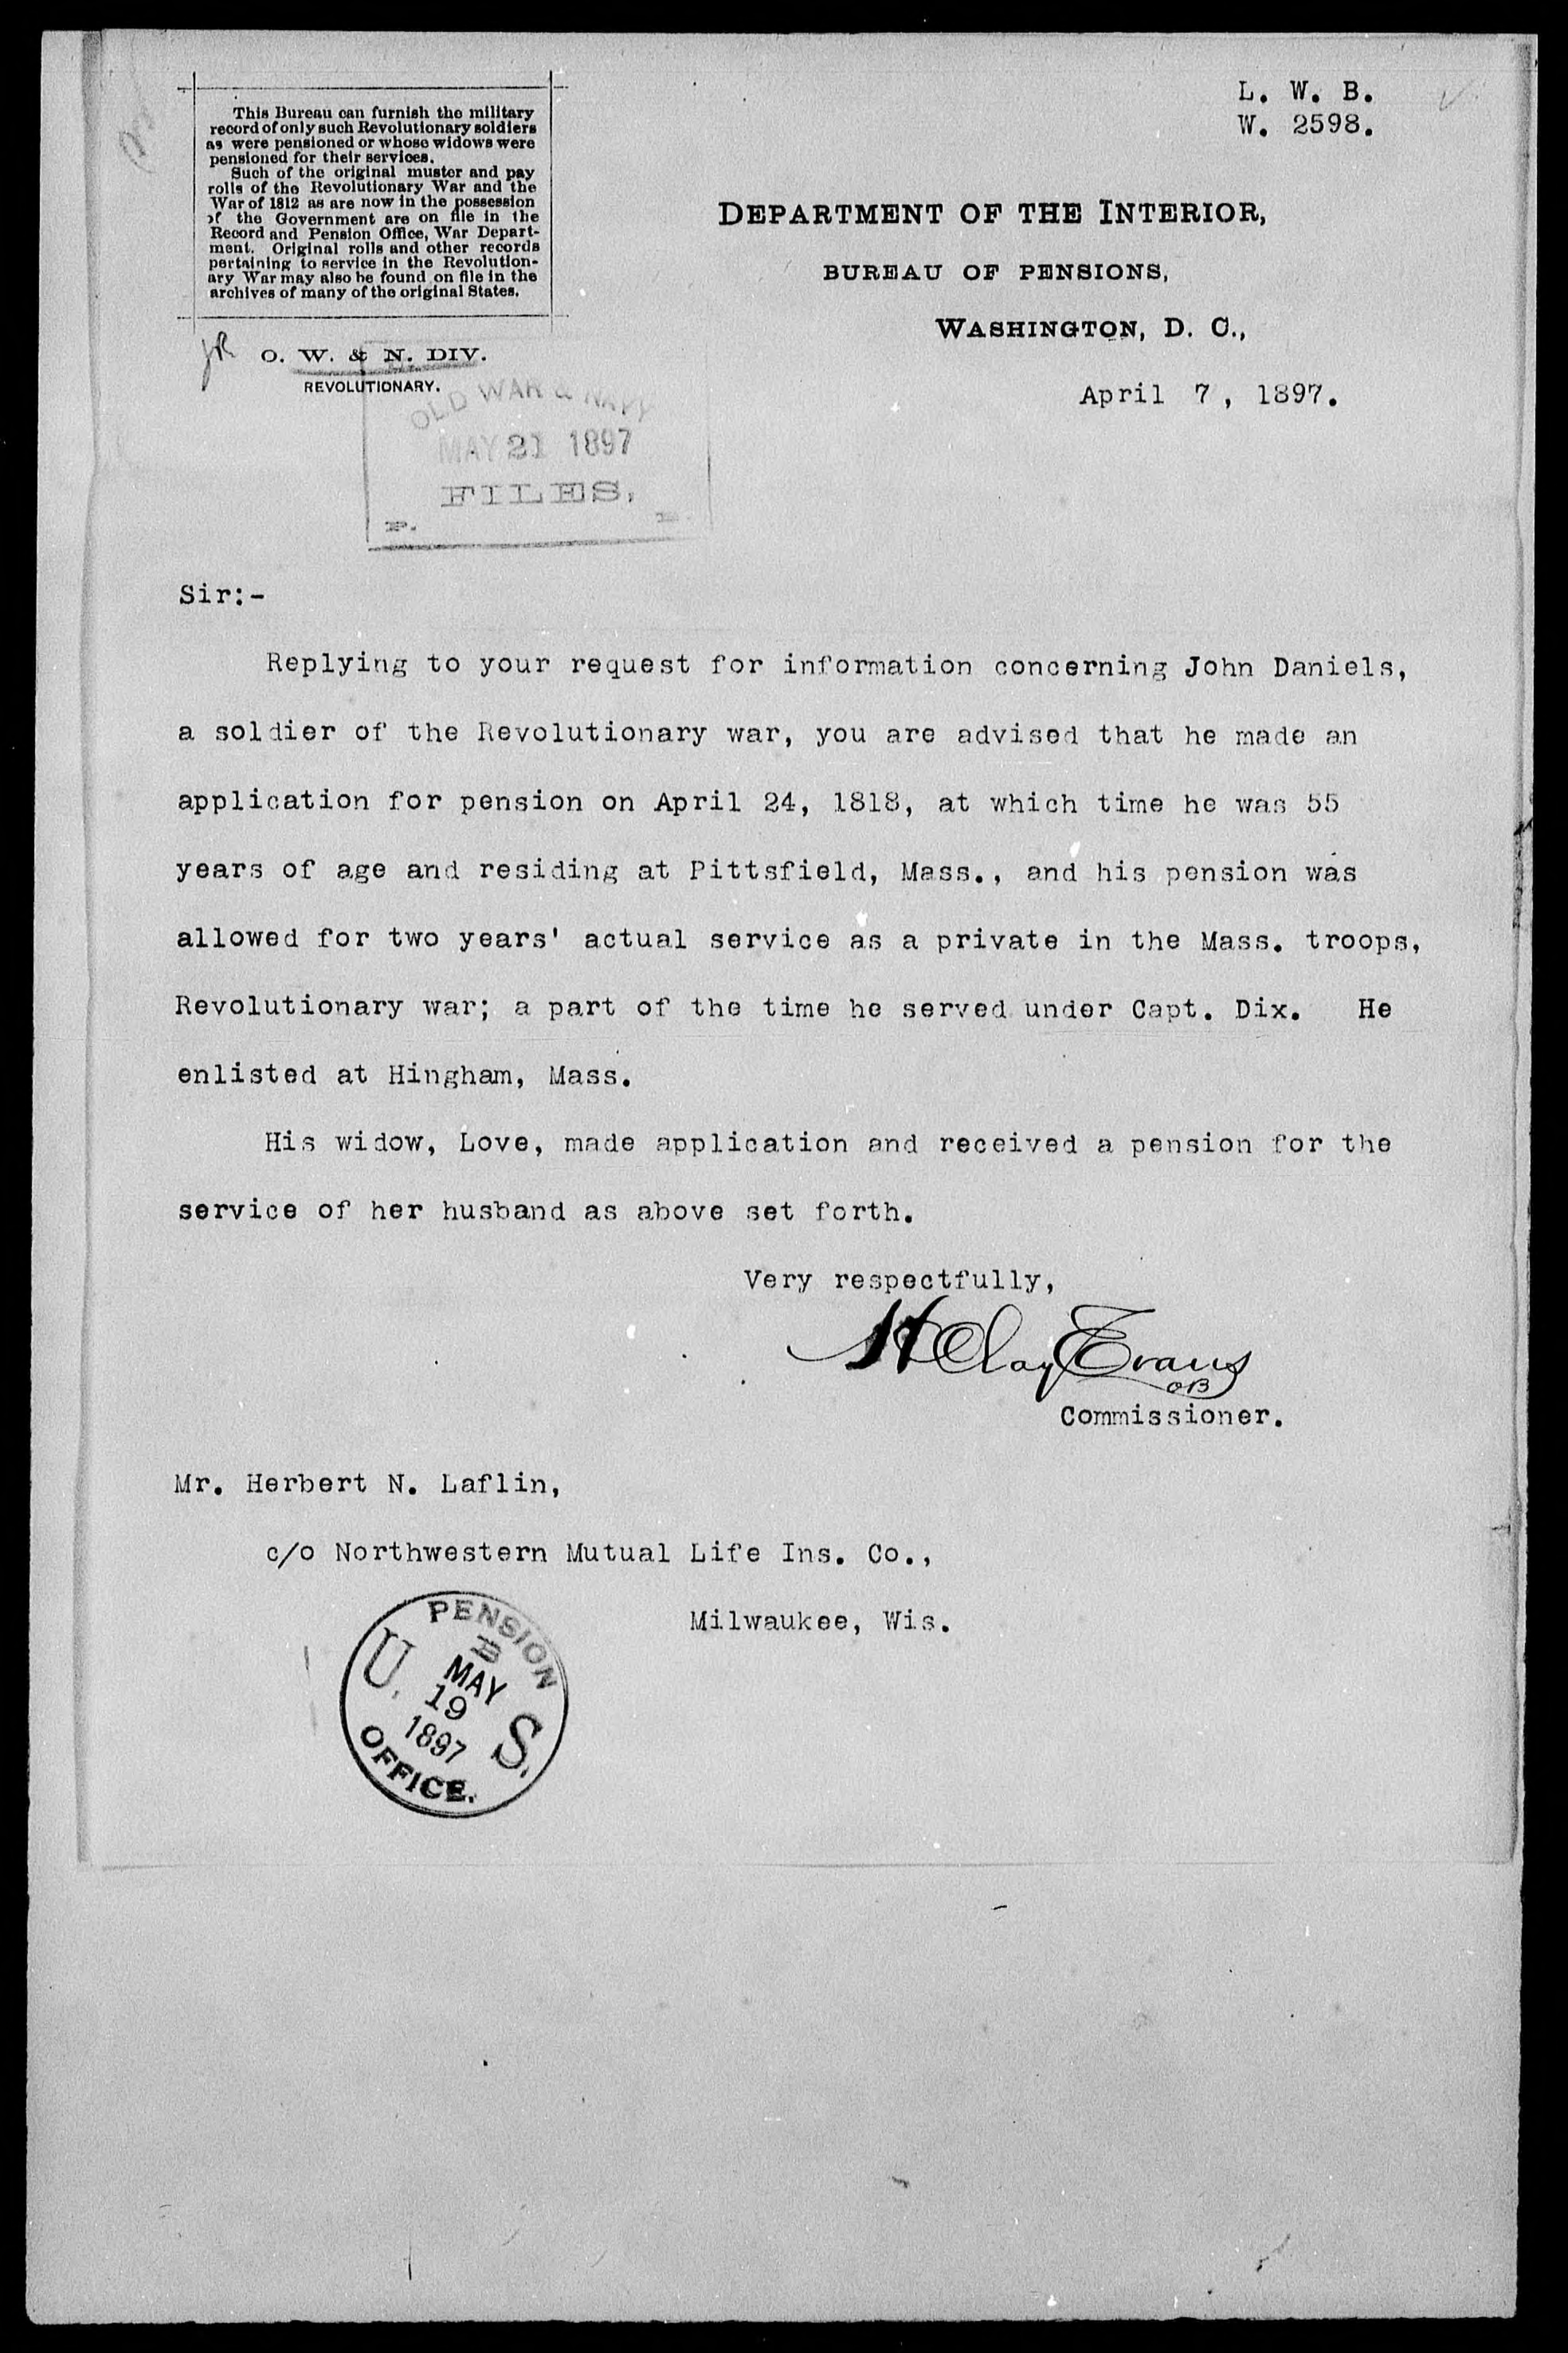This Bureau can furnish the military records of only such Revolutionary soldiers as were pensioned or whose widows were pensioned for their service.
Such of the original muster and pay rolls of the Revolutionary War and the War of 1812 as are now in the possession of the Government are on file in the Record and Pension Office, War Department.  Original rolls and other records pertaining to service in the Revolutionary War may also be found on file in the archives of many States.
O. W. & N. DIV.
REVOLUTIONARY

[on right] L.W.B.
W. 2598.

DEPARTMENT OF THE INTERIOR,
BUREAU OF PENSIONS,
WASHINGTON, D.C.,

April 7, 1897.

[stamp]
OLD WAR & NAVY FILES  May 21, 1897

Sir: - Replying to your request for information concerning John Daniels, a soldier of the Revolutionary War, you are advised that he made an application for pension on April 24, 1818, at which time he was 55 years of age and residing at Pittsfield, Mass., and his pension was allowed for two years' actual service as a private in the Mass. troops, Revolutionary war; a part of the time he served under Capt. Dix.  He enlisted at Hingham, Mass.
His widow, Love, made application and received a pension for the service of her husband as above set forth.
Very respectfully,
[signed] H Clay Evans
Commissioner

Mr. Herbert N. Laflin,
c/o Northwestern Mutual Life Ins. Co.
Milwaukee, Wis.

[stamp]
US PENSION OFFICE  MAY 19, 1897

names: John Daniels, Love, Herbert N Laflin, Dix, H Clay Evans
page: 39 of 43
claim: widow's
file: W 683, John Daniels, Continental Mass. N.H.